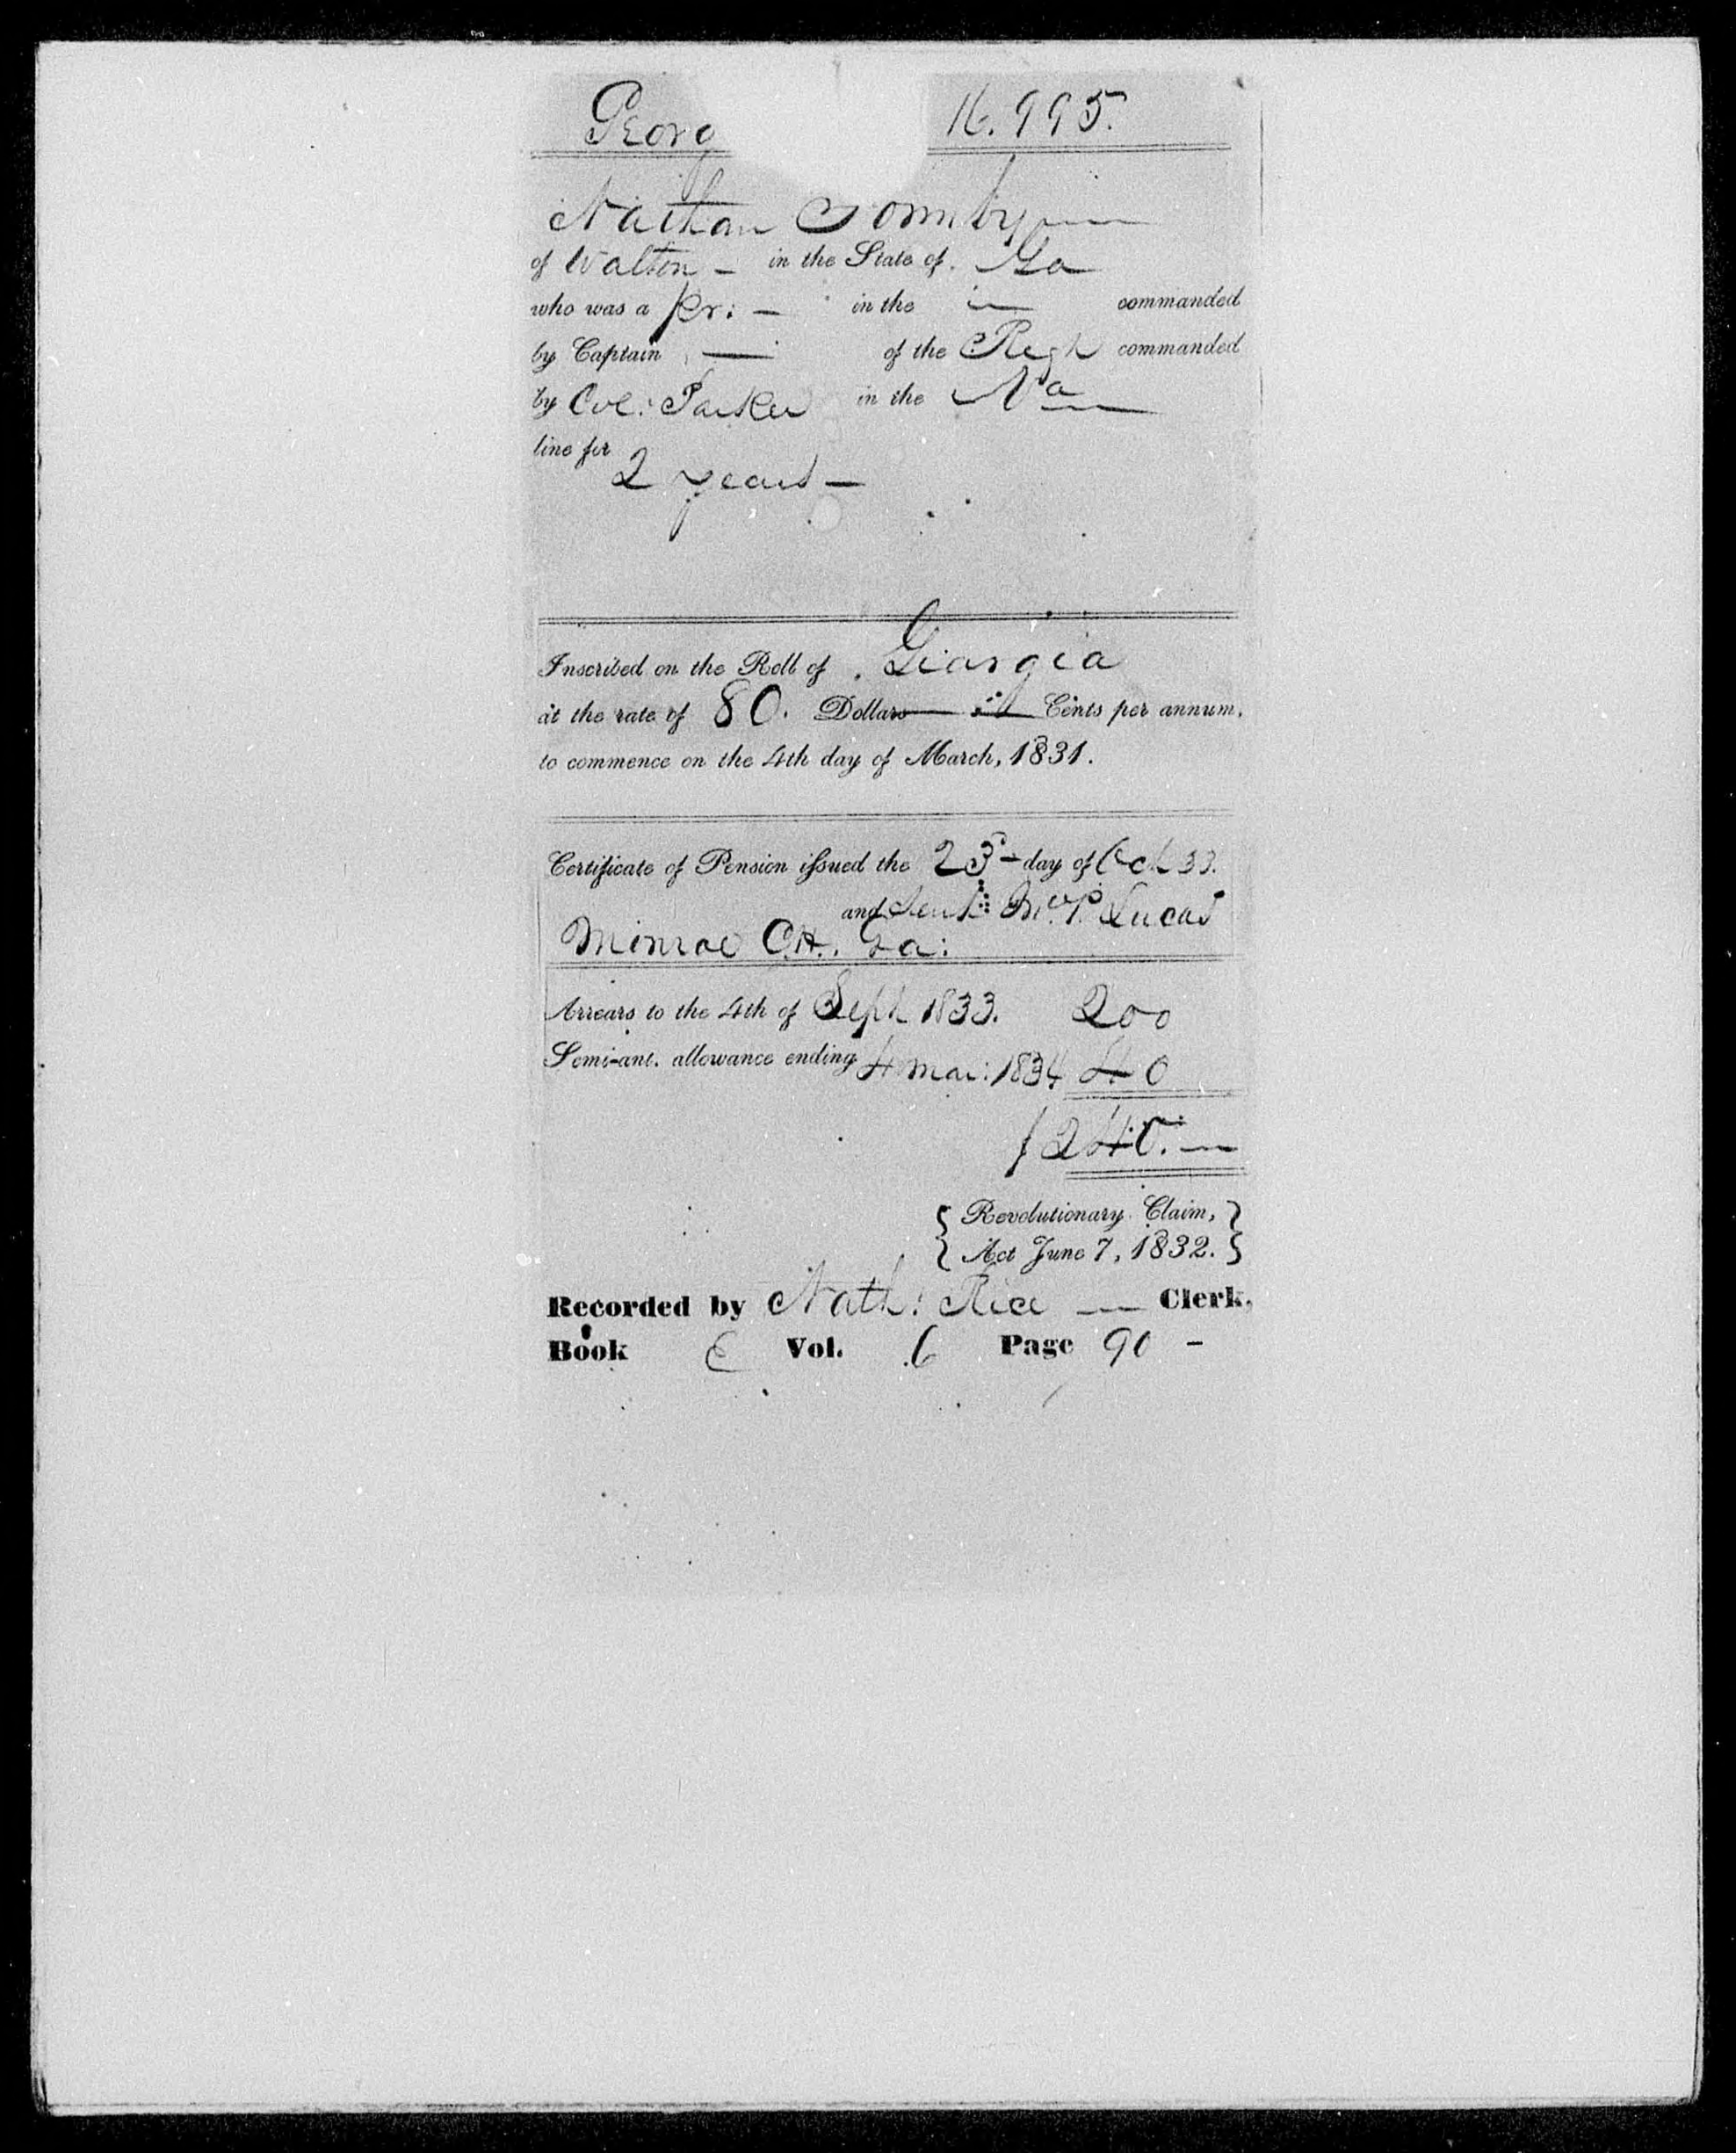Georg[illegible] 16.995.
__________________________
Nathan Formby ~
of Walton - in the State of Ga
who was a pri - in the - commanded by Captain - of the Regt commanded by Col. Parker in the Va line for 2 years -
__________________________
Inscribed on the Roll of Georgia
at the rate of 80 Dollars - Cents per annum, to commence on the 4th day of March, 1831.
___________________________
Certificate of Pension issued the 23 - day of Oct 33. 
and sent Jno P Lucas
Mimal C.H. Ga:
_____________________________
Arrears to the 4th of Sept 1833. 200
Semi-anl. allowance ending 4 Mar: 1834 40
$240.-
{Revolutionary Claim, Act June 7, 1832."
Recorded by Nath: Rice - Clerk,
Book E Vol. 6 Page 90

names: Jno P Lucas, Nath Rice, Nathan Formby, Parker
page: 2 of 54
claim: widow's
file: W. 3794, Nathan Formby, Va.